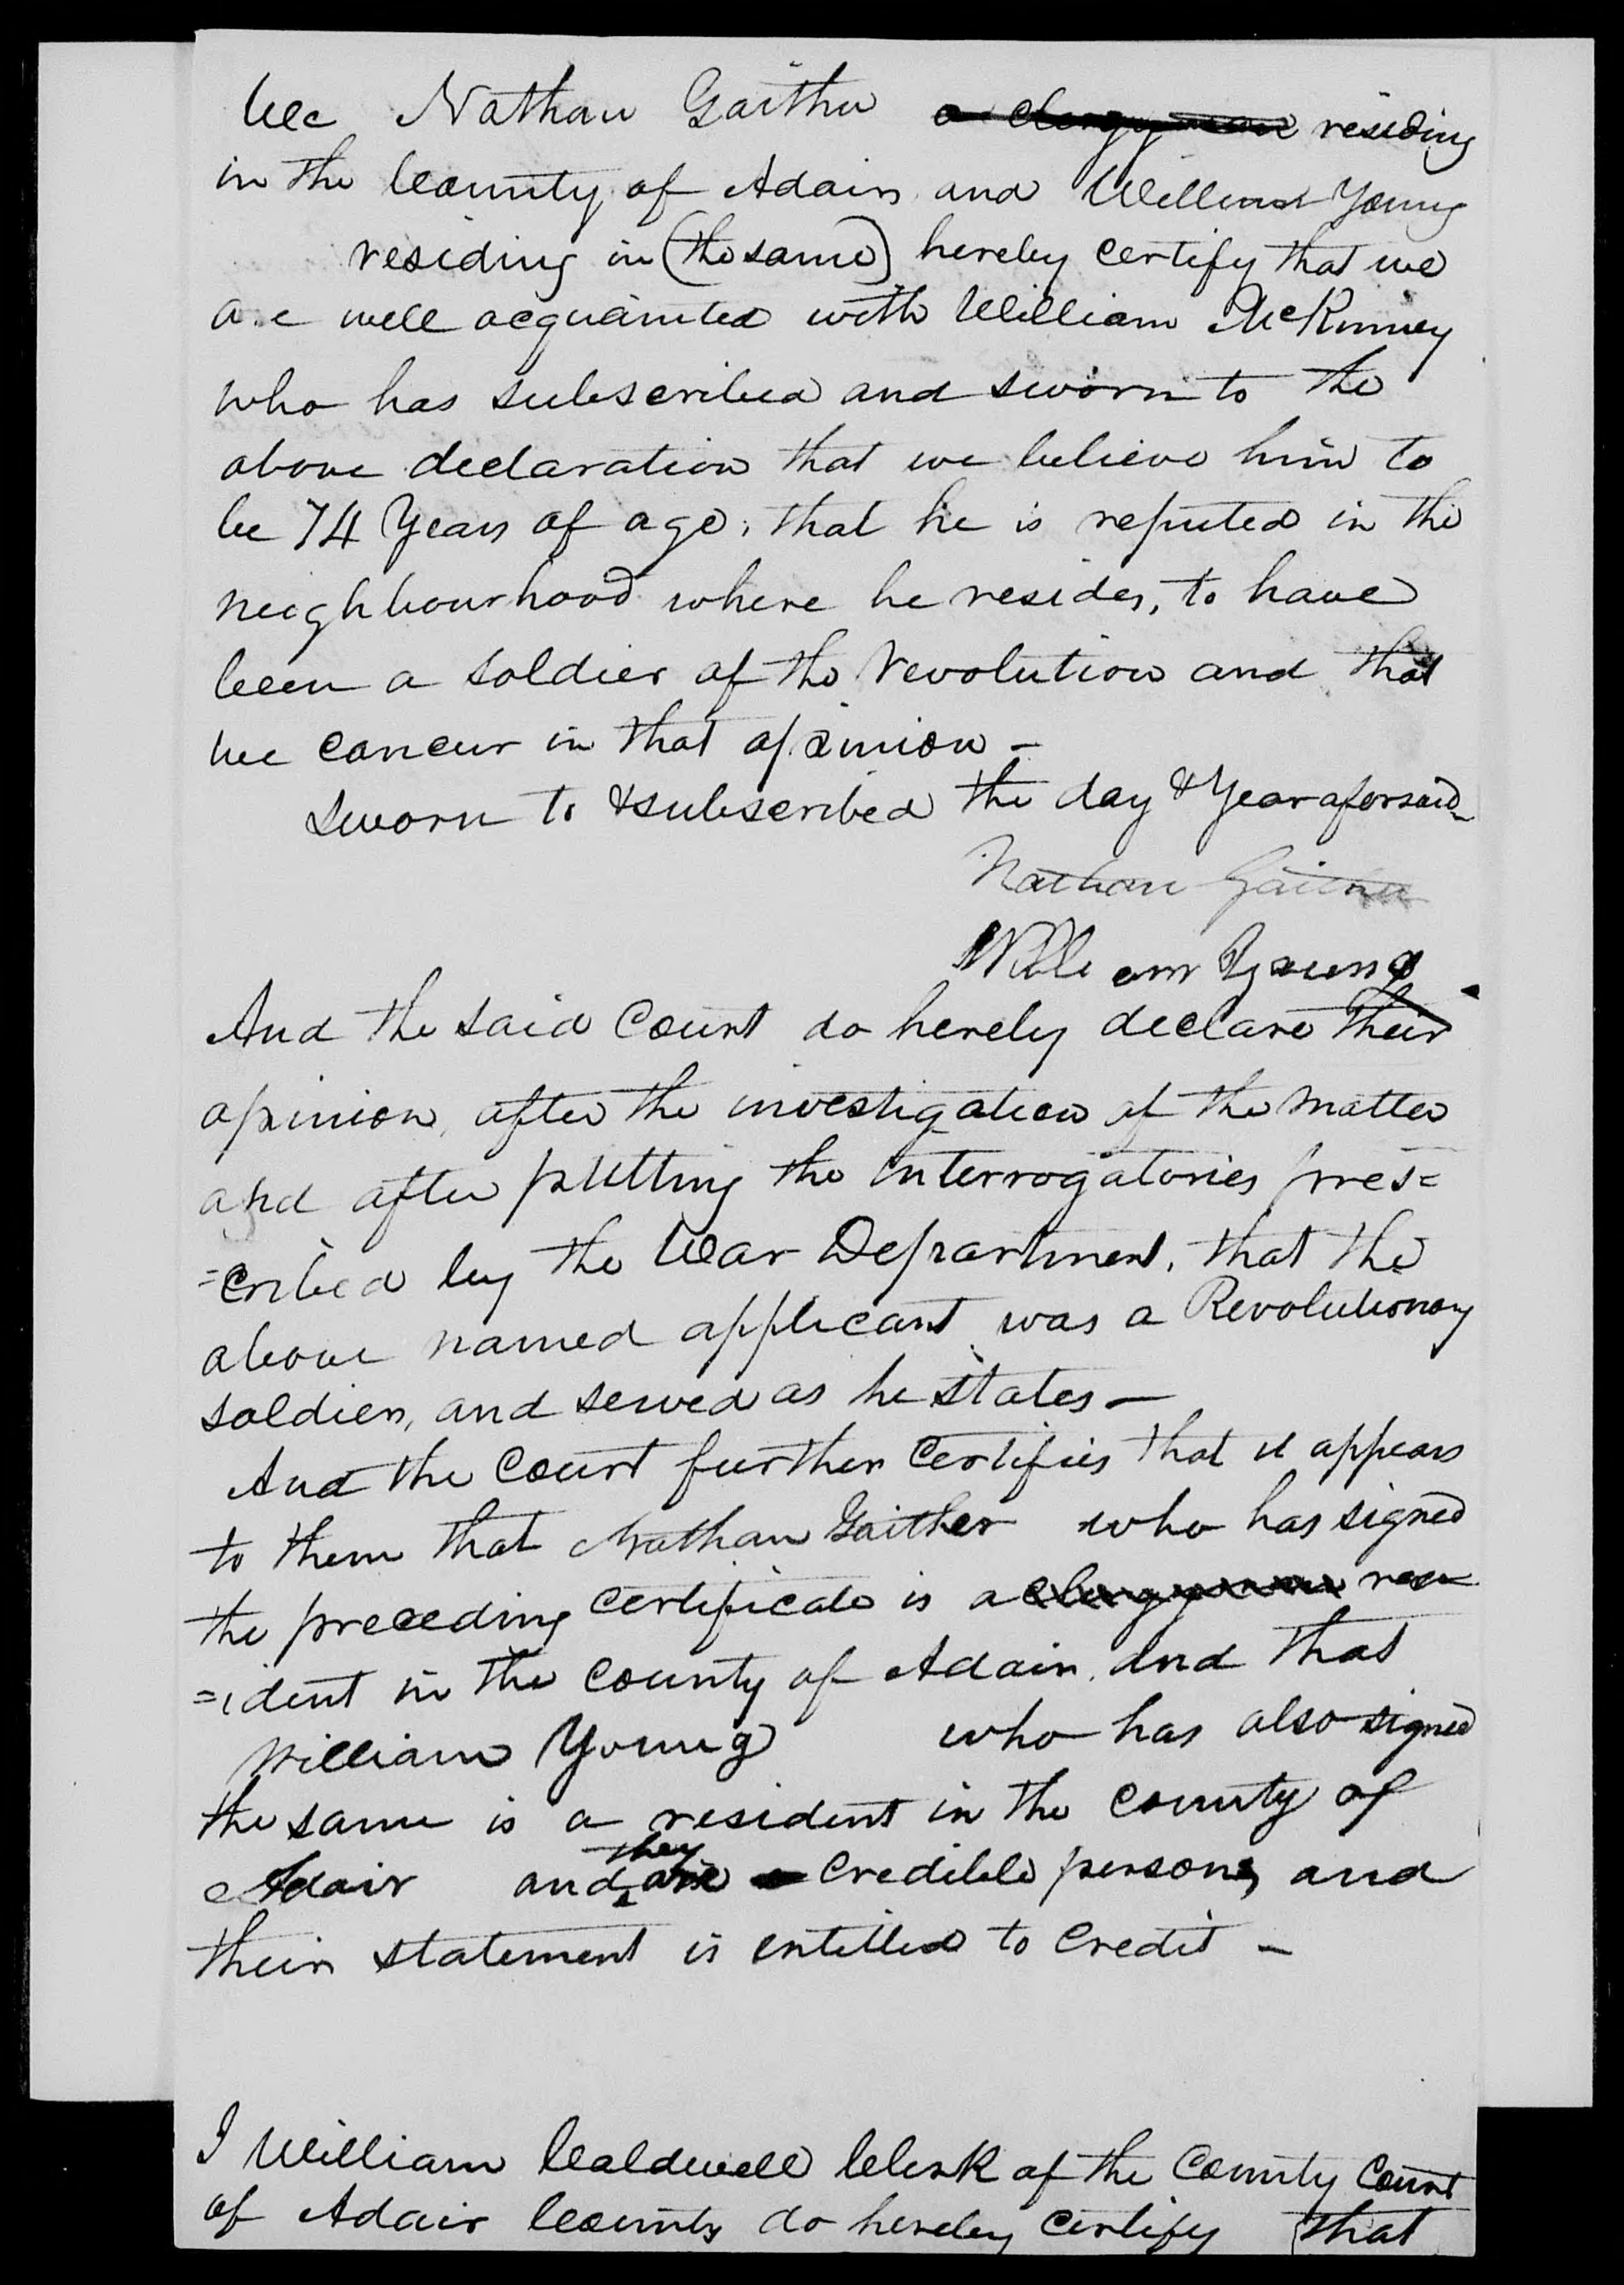We Nathan Gaither residing in the County of Adair and William Young 
residing in (the same) hereby certify that we are well acquainted with William McKinney who has subscribed and sworn to the above declaration that we believe him to be 74 years of age, that he is reputed in this neighbourhood where he resides, to have been a soldier of the revolution and that we concur in that opinion-
Sworn to & subscribed the day & year aforesaid Nathan Gaither
William Young
And the said Court do hereby declare their opinion after the investigation of the matter and after putting the interrogatories proscribed by the War Department, that the above named applicant was a Revolutionary soldier, and served as he states- 
And the Court further certifies that it appears to them that Nathan Gaither who has signed the preceding certificate is a resident in the County of Adair and that William Young who has also signed the same is a resident in the County of Adair and they are credible persons and their statement is entitled to credit- 
I William Caldwell Clerk of the County Court of Adair County do hereby certify that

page: 8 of 28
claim: survivor's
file: S. 16,470, for William Mc Kinney, Georgia